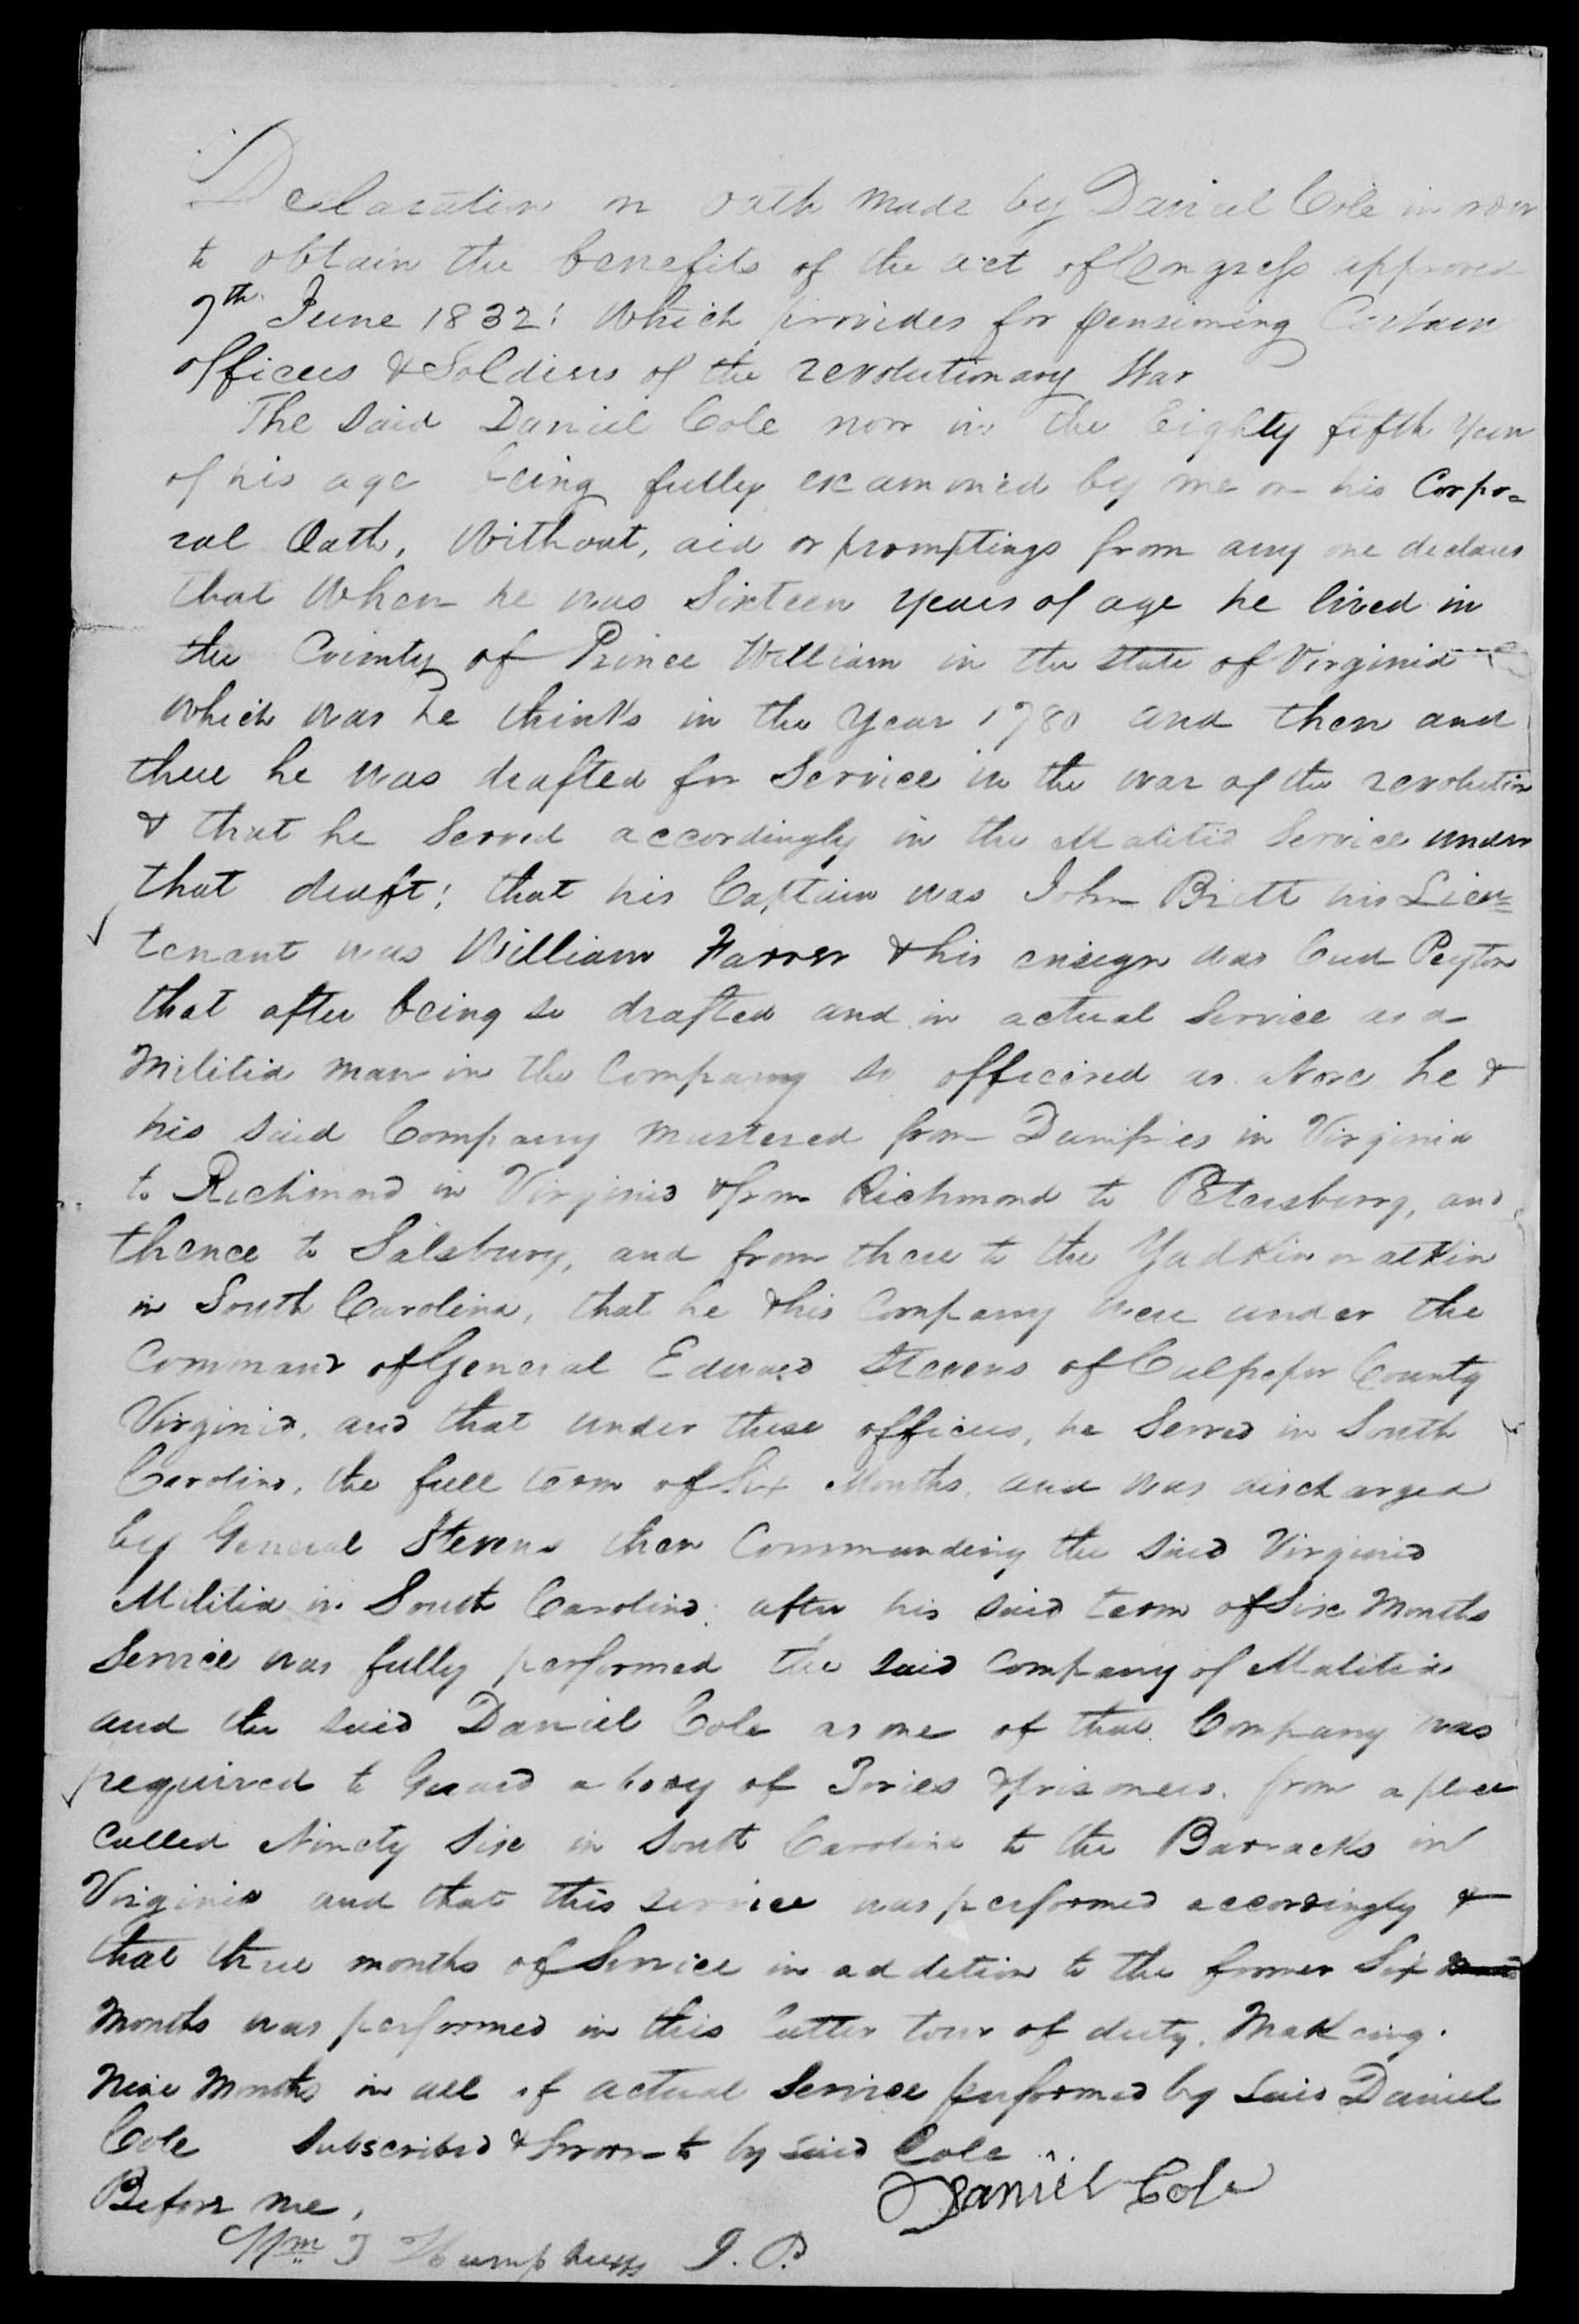Declaration on Oath made by Daniel Cole in order to obtain the benefits of the act of Congress approved 7th June 1832: which provides for pensioning certain officers & Soldiers of the revolutionary War
The said Daniel Cole now in the Eighty fifth year of his age being fully examined by me on his Corporal Oath, without, aid or promptings from any one declares that when he was sixteen years of age he lived in the County of Prince William in the State of Virginia
which was he thinks in the year 1780 and then and there he was drafted for service in the war of the revolution & that he served accordingly in the Militia Service under that draft; that his Captain was John Britt his Lieutenant was William Farrer & his ensign was and Cud Peyton that after being so drafted and in actual service as a Militia man in the Company to officered as above he & his said Company mustered from Dumfries in Virginia
to Richmond in Virginia & from Richmond to Petersburg, and thence to Salsbury, and from there to the Yadkin or Atkin in South Carolina, that he this company were under the
command of General Edward Stevens of Culpeper County Virginia, and that under these officers, he served in South Carolina, the full term of Six Months and was discharged
by General Stevens then commanding the said Virginia Militia in South Carolina, after his said term of six months service was fully performed the said Company of Militia and the said Daniel Cole as one of that Company was
required to guard a body of Tories prisoners from a place called Ninety Six in South Carolina to the Barracks in Virginia and that this service was performed accordingly &
that three months of service in addition to the former six months was performed in this latter tour of duty making nine months in all of actual service performed by said Daniel
Cole 
Subscribed & sworn to by said Cole
Daniel Cole

Before me,
Wm T Humphrey J. P. [Justice of the Peace]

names: John Britt, Daniel Cole, Daniel Cole, Cud Peyton, Daniel Cole, Daniel Cole, Edward Stevens, Wm T Humphreys, William Farrer, Stevens, Cole, Daniel Cole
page: 24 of 61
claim: survivor's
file: S. 8236, Daniel Cole, Va.